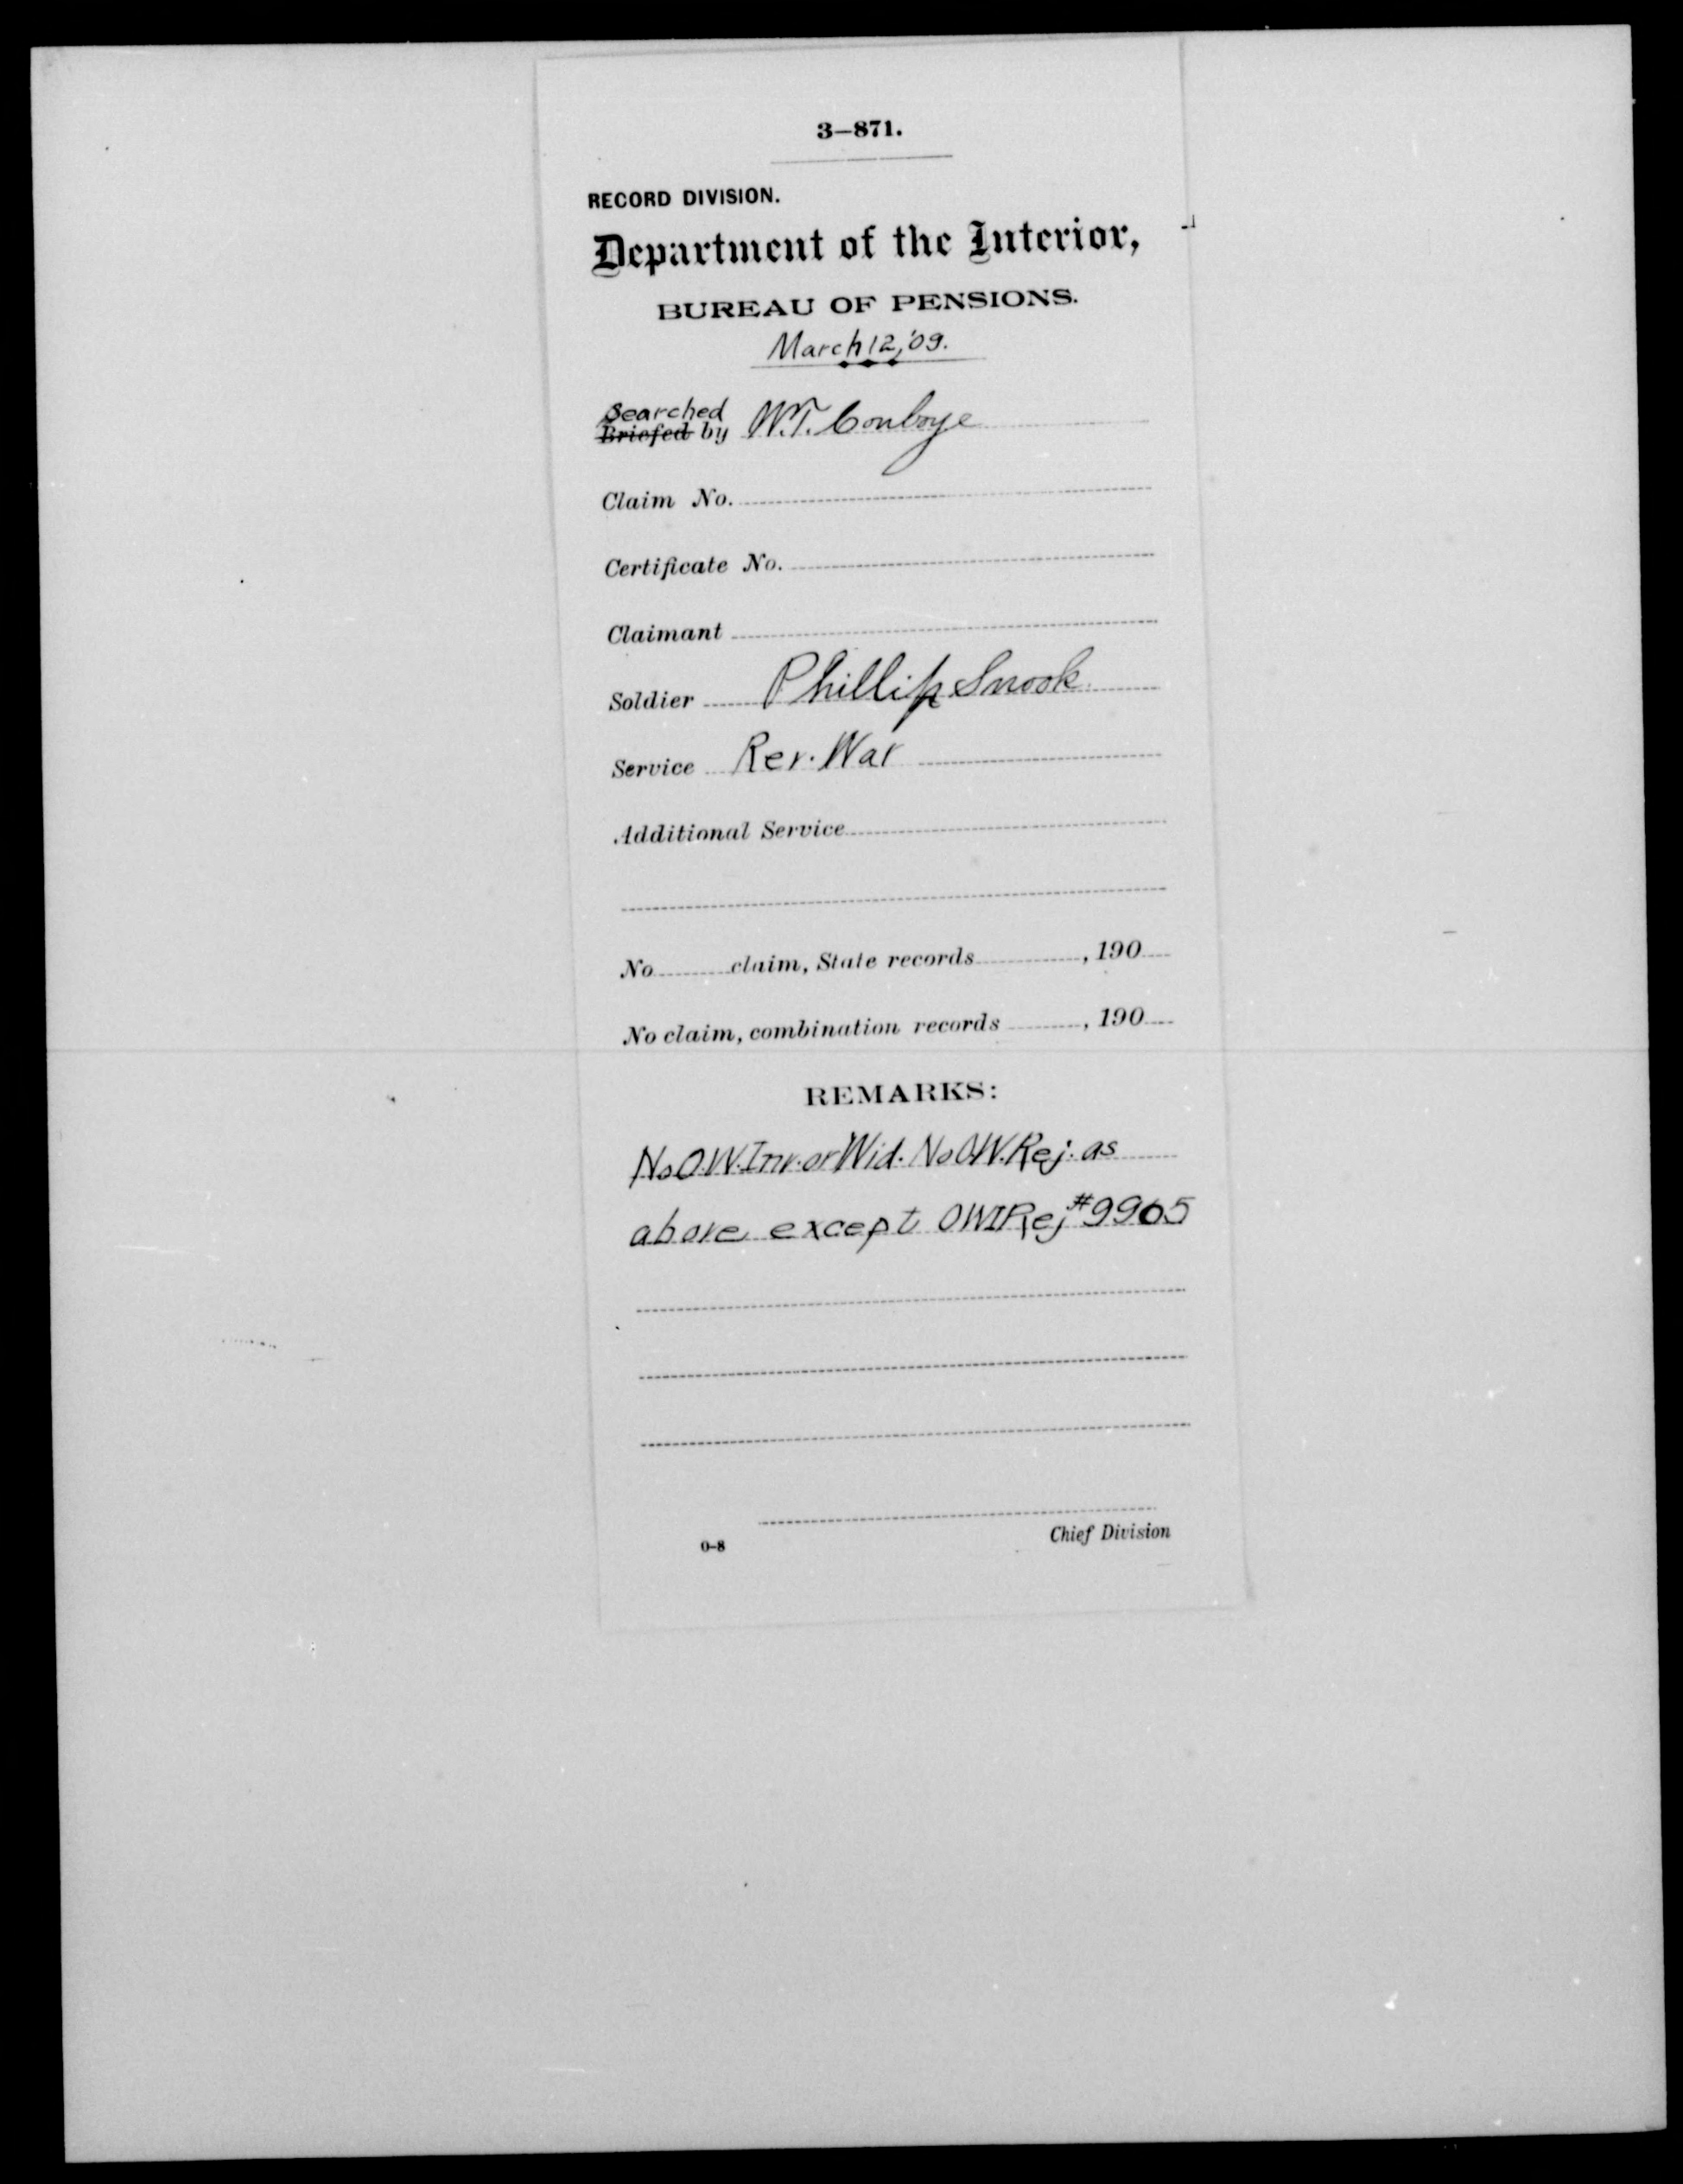3-871

RECORD DIVISION

Department of the Interior
BUREAU OF PENSIONS
March 12, '09

Searched by Wm Conboye

Claim No.
Certificate No.
Claimant
Soldier  Phillip Snook
Service Rev. War
Additional Service

No. (blank) claim, State records (blank), 190 -
No claim, combination records (blank)  190-

REMARKS:

No O.W. Inv. or Wid. No O.W. Reg. as above except OWI Reg #9905

0-6
Chief Division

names: Phillip Snook; W T Conboye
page: 6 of 15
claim: rejected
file: R. 9,905, for Philip Snook, New Jersey